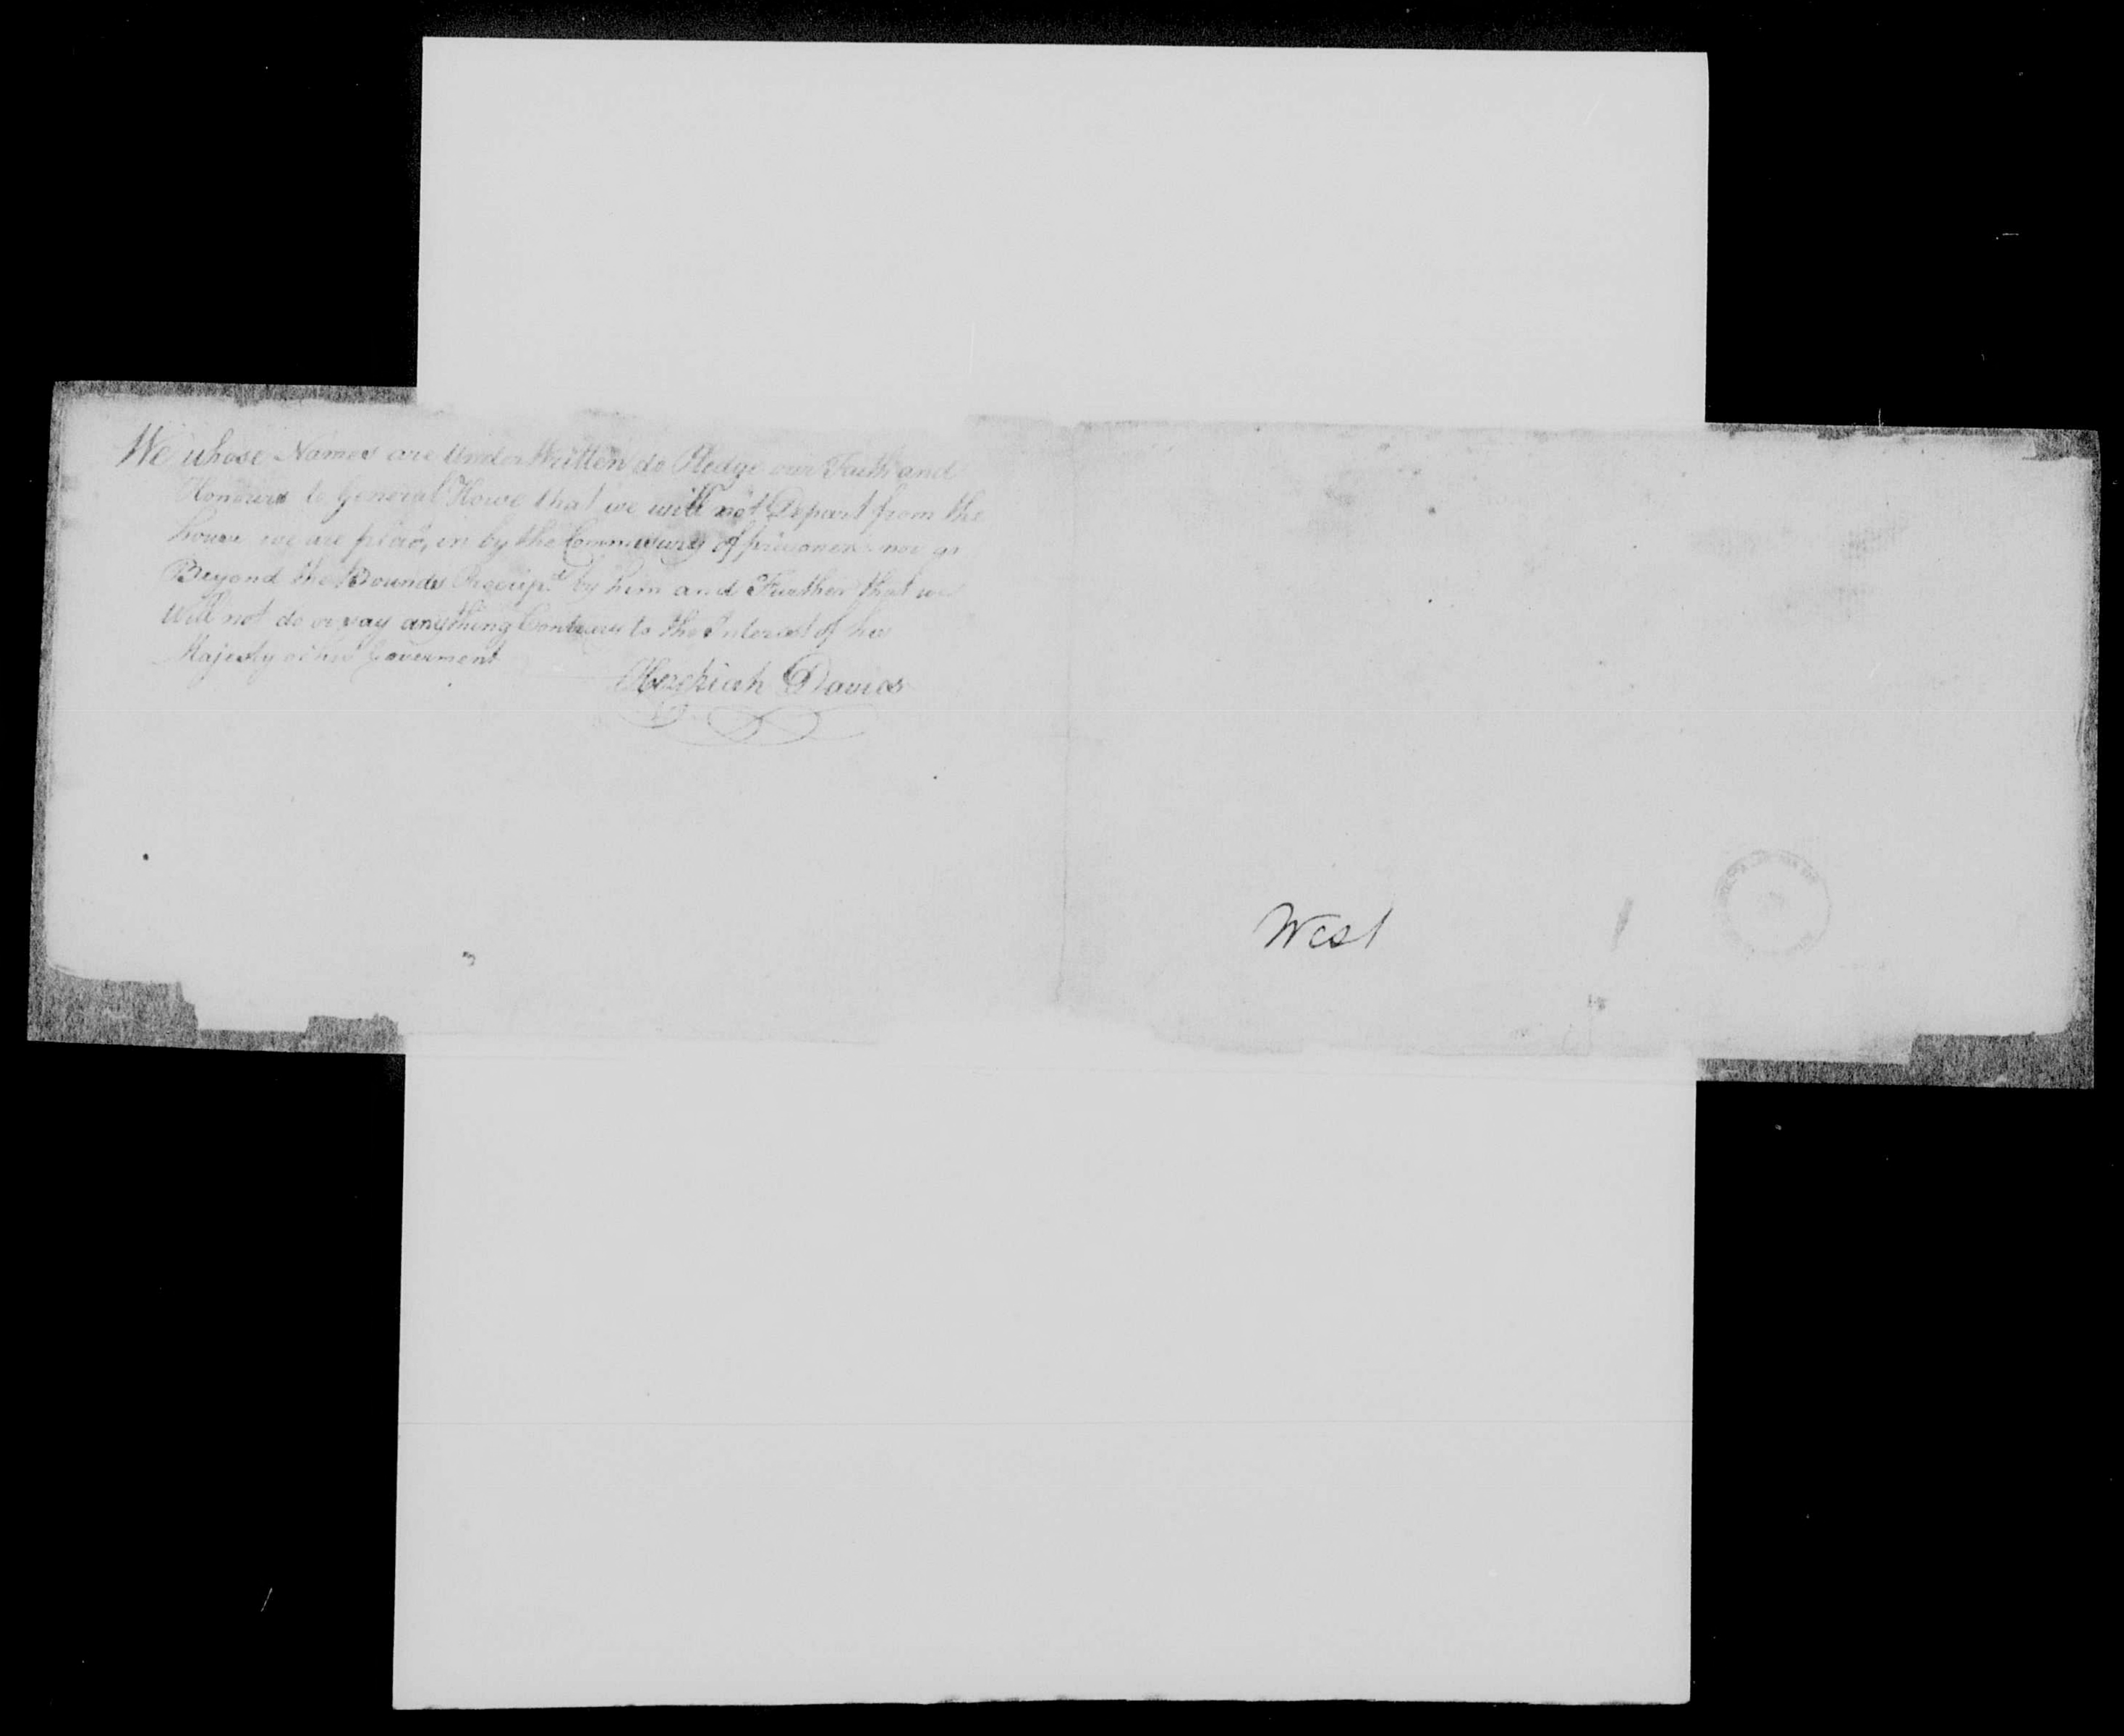We whose names are under written do Pledge our Faith and 
Honour to General Howe that we will not Depart from the
house we are place, in by the Commissary of prisoners nor go
beyond the Bounds Precripd. by him and Further that we
will not do or say anything Contrary to the Interest of his
Majesty or his Goverment
[signature] Hezekiah Davies

[on other side of the page] West
[some kind of circular stamp]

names: Hezekiah Davies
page: 52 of 57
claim: survivor's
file: S. 2161, Hezekiah Davies, Penn